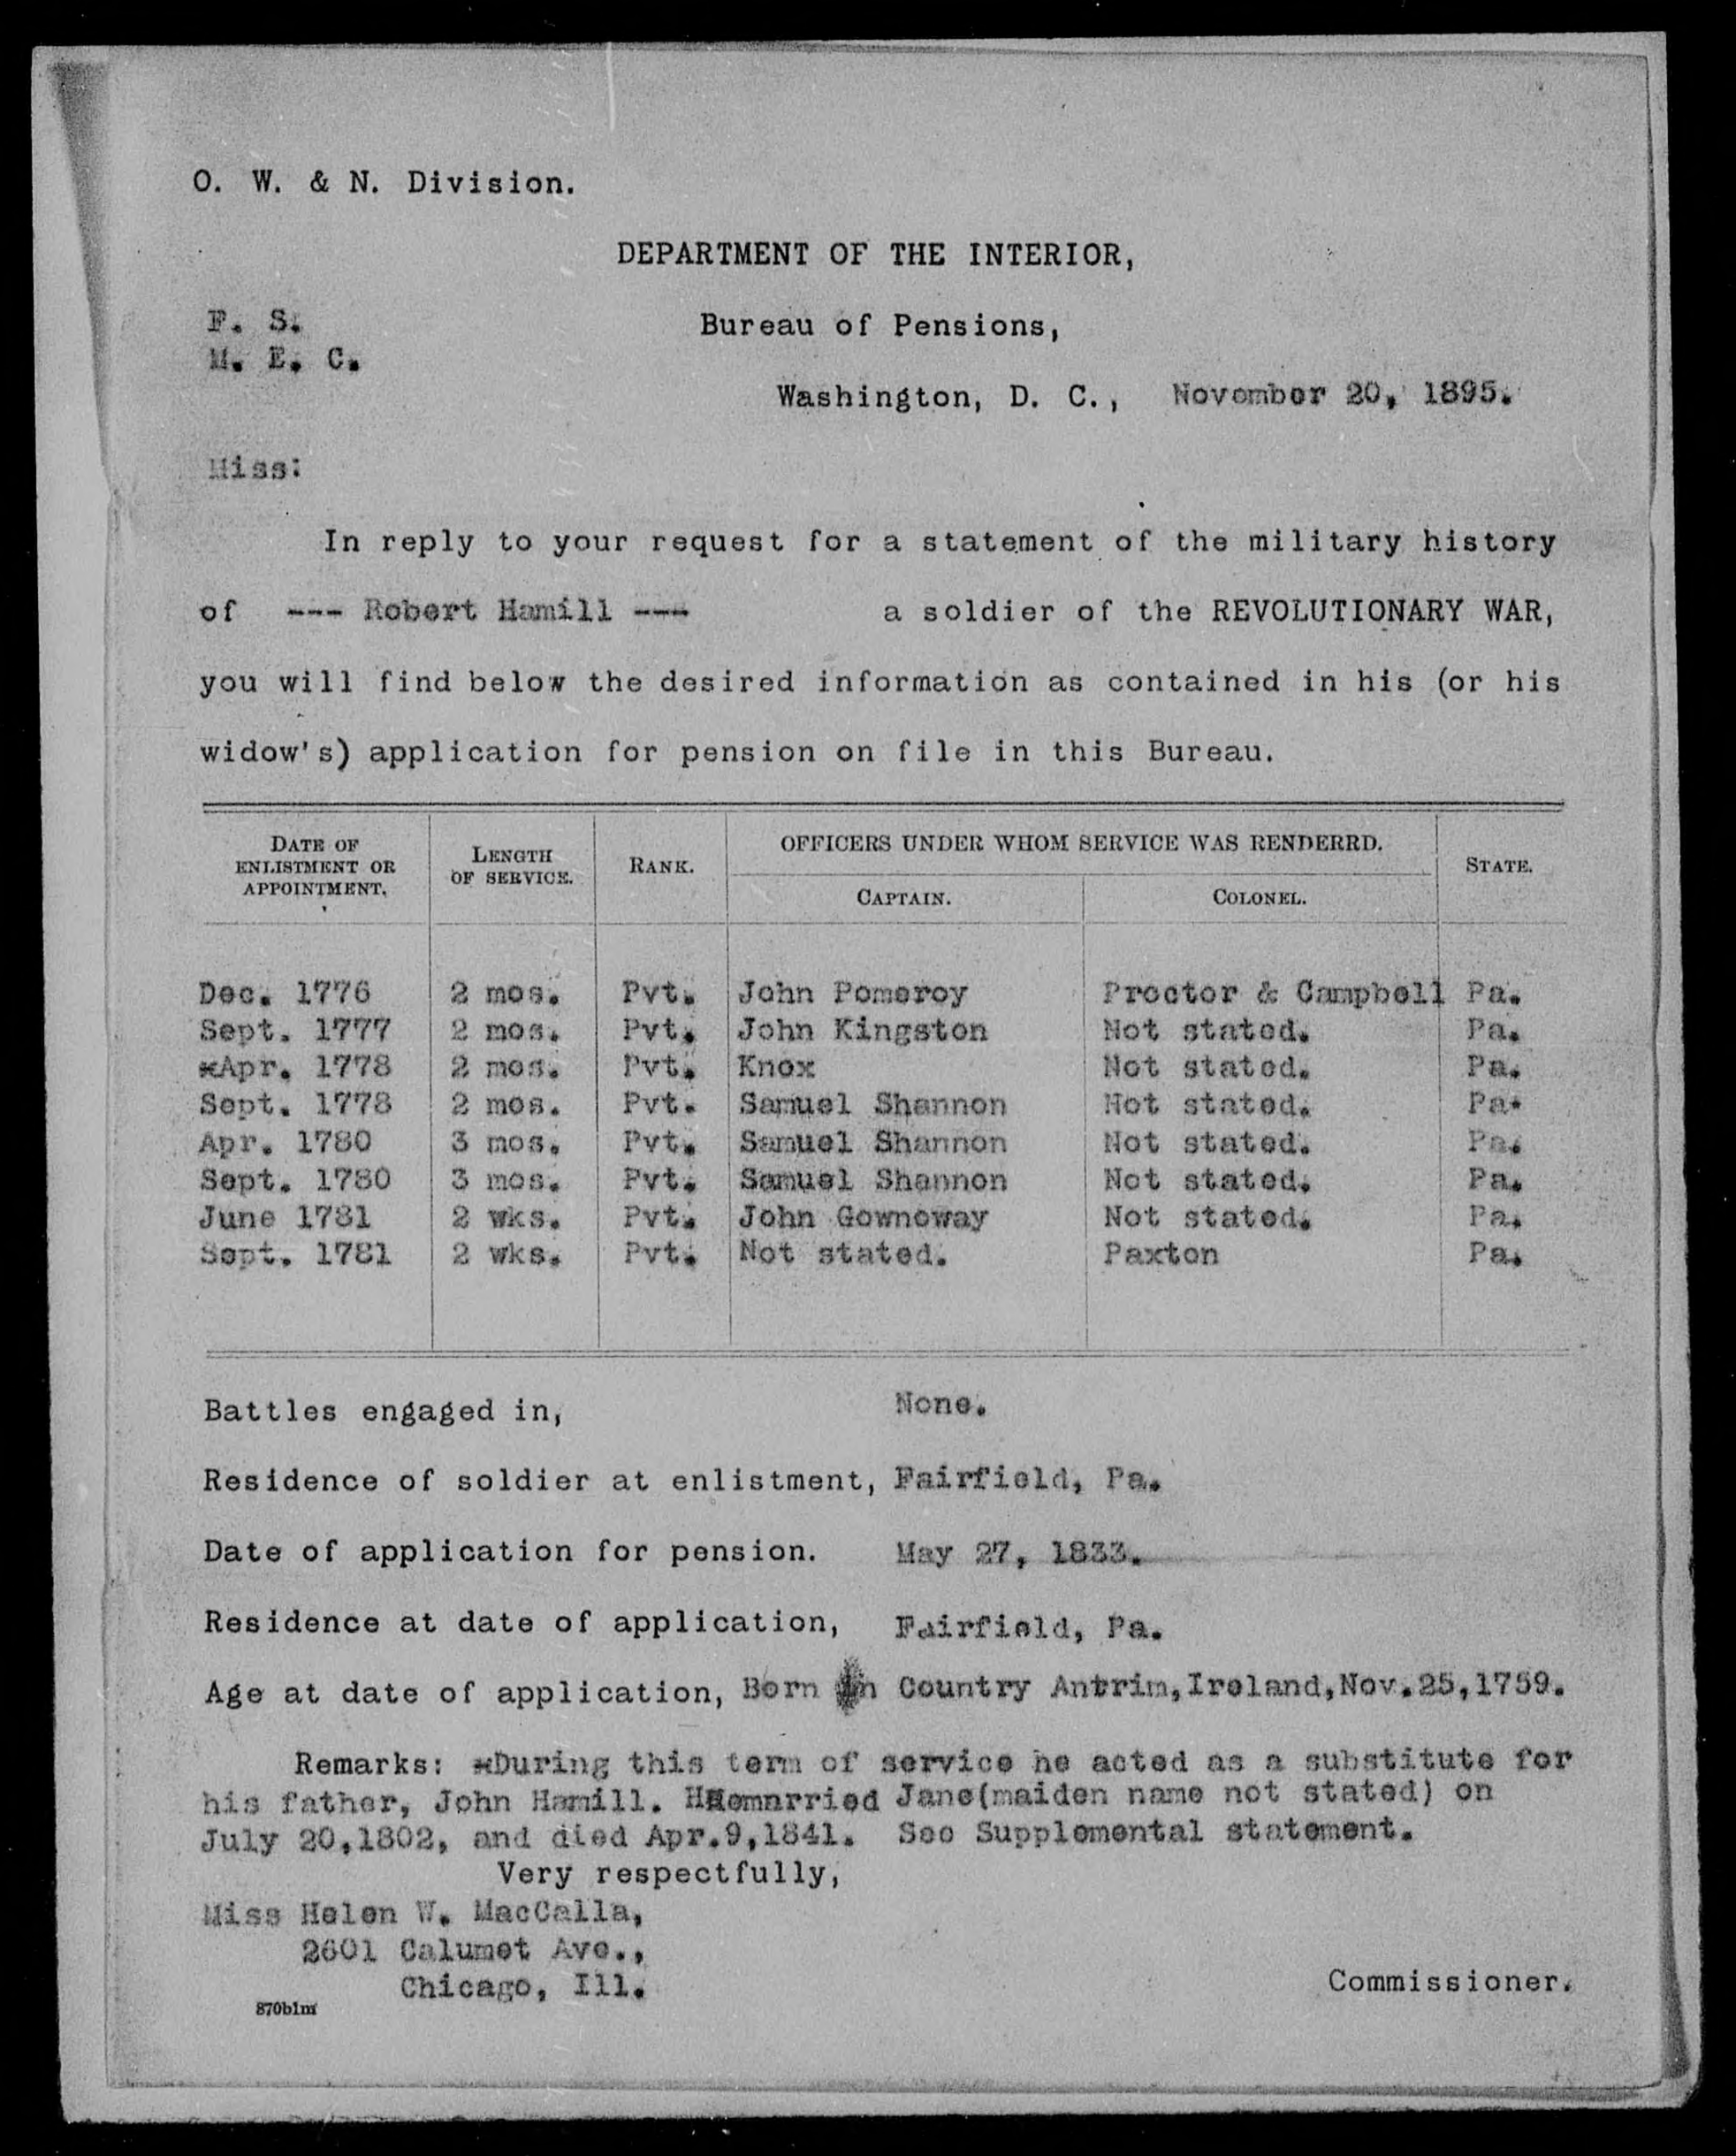O. W. & N. Division.
DEPARTMENT OF THE INTERIOR,
F. S.
M. E. C.
Bureau of Pensions,
Washington, D. C., November 20, 1895.

Miss:
In reply to your request for a statement of the military history of -- Robert Hamill -- a soldier of the REVOLUTIONARY WAR, you will find below the desired information as contained in his (or his widow's) application for pension on file in this Bureau.
DATE OF
ENLISTMENT OR
APPOINTMENT.
Dec. 1776
Sept.1777
Apr. 1778
Sept. 1778
Apr. 1780
Sept. 1780
June 1781
Sept, 1781
LENGTH
OF SERVICE.
2 mos.
2 mos.
2 mos.
2 mos.
3 mos.
3 mos.
2 wks.
2 wks,
RANK.
Pvt.
Pvt.
Pvt.
Pvt.
Pvt.
Pvt.
Pvt.
Pvt.
OFFICERS UNDER WHOM SERVICE WAS RENDERED.
CAPTAIN.
John Pomeroy
John Kingston
Knox
Samuel Shannon
Samuel Shannon
Samuel Shannon
John Gownoway
Not stated.
COLONEL.
Proctor & Campbell
Not stated.
Not stated.
Not stated.
Not stated.
Not stated.
Not stated.
Paxton
STATE.
Pa.
Pa.
Pa.
Pa.
Pa.
Pa.
Pa.
Pa.
Battles engaged in,                         None.
Residence of soldier at enlistment, Fairfield, Pa.
Date of application for pension.  May 27, 1833.
Residence at date of application, Fairfield, Pa.
Age at date of application, Born in County Antrim, Ireland, Nov. 25, 1759.
Remarks: During this term of service he acted as a substitute for his father, John Hamill. He married Jane (maiden name not stated) on
July. 20, 1802, and died Apr. 9, 1841. See Supplemental statement.
Very respectfully,
Miss Helen W. MacCalla,
2601 Calumet Ave.,
Chicago, Ill.
Commissioner
870blm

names: John Hamill, John Gownoway, John Pomeroy, Campbell, Samuel Shannon, Paxton, Helen W Mac Calla, Jane, Proctor, Robert Hamill, Samuel Shannon, John Kingston, Knox, Samuel Shannon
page: 37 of 92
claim: widow's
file: W 1173, Robert Hamill, Penn.